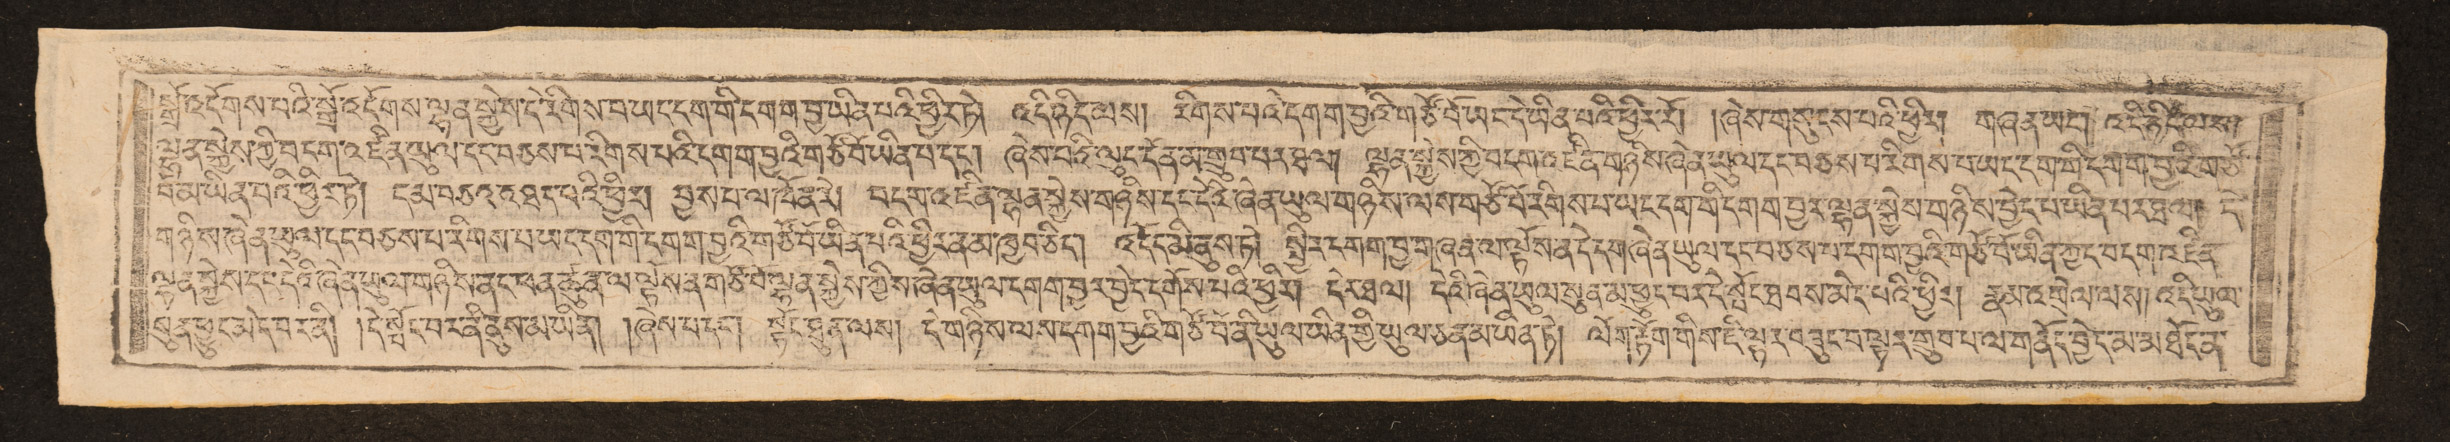སྒྲོ་འདོགས་པའི་སྒྲོ་འདོགས་ལྷན་སྐྱེས་དེ་རིགས་པ་ཡང་དག་གི་དགག་བྱ་ཡིན་པའི་ཕྱིར་ཏེ། འདི་ཉིད་ལས། རིགས་པའི་དགག་བྱའི་གཙོ་བོ་ཡང་དེ་ཡིན་པའི་ཕྱིར་རོ། །ཞེས་གསུངས་པའི་ཕྱིར། གཞན་ཡང་། འདི་ཉིད་ལས།
ལྷན་སྐྱེས་ཀྱི་བདག་འཛིན་ཡུལ་དང་བཅས་པ་རིགས་པའི་དགག་བྱའི་གཙོ་བོ་ཡིན་པ་དང་། ཞེས་པའི་ལུང་དོན་མ་གྲུབ་པར་ཐལ། ལྷན་སྐྱེས་ཀྱི་བདག་འཛིན་གཉིས་ཞེན་ཡུལ་དང་བཅས་པ་རིགས་པ་ཡང་དག་གི་དགག་བྱའི་གཙོ་
བོ་མ་ཡིན་པའི་ཕྱིར་ཏེ། དམ་བཅའ་འཐད་པའི་ཕྱིར། བྱས་པ་ལ་ཁོ་ན་རེ། བདག་འཛིན་ལྷན་སྐྱེས་གཉིས་དང་དེའི་ཞེན་ཡུལ་གཉིས་ལས་གཙོ་བོ་རིགས་པ་ཡང་དག་གི་དགག་བྱར་ལྷན་སྐྱེས་གཉིས་བྱེད་པ་ཡིན་པར་ཐལ། དེ་
གཉིས་ཞེན་ཡུལ་དང་བཅས་པ་རིགས་པ་ཡང་དག་གི་དགག་བྱའི་གཙོ་བོ་ཡིན་པའི་ཕྱིར་ན་མ་ཁྱབ་ཅིང་། འདོད་མི་ནུས་ཏེ། སྤྱིར་དགག་བྱ་གཞན་ལ་ལྟོས་ན་དེ་དག་ཞེན་ཡུལ་དང་བཅས་པ་དགག་བྱའི་གཙོ་བོ་ཡིན་ཀྱང་བདག་འཛིན་
ལྷན་སྐྱེས་དང་དེའི་ཞེན་ཡུལ་གཉིས་ནང་ཕན་ཚུན་ལ་ལྟོས་ན་གཙོ་བོ་ལྷན་སྐྱེས་ཀྱིས་ཞེན་ཡུལ་དགག་བྱར་བྱེད་དགོས་པའི་ཕྱིར། དེར་ཐལ། དེའི་ཞེན་ཡུལ་སུན་མ་ཕྱུང་བར་དེ་སྤོང་ཐབས་མེད་པའི་ཕྱིར། རྣམ་འགྲེལ་ལས། འདི་ཡུལ་
སུན་ཕྱུང་མེད་པར་ནི། །དེ་སྤོང་བར་ནི་ནུས་མ་ཡིན། །ཞེས་པ་དང་། སྟོང་ཐུན་ལས། དེ་གཉིས་ལས་དགག་བྱའི་གཙོ་བོ་ནི་ཡུལ་ཡིན་གྱི་ཡུལ་ཅན་མ་ཡིན་ཏེ། ལོག་རྟོག་གིས་ཇི་ལྟར་བཟུང་བ་ལྟར་གྲུབ་བ་ལ་གནོད་བྱེད་མ་མཐོང་ན་